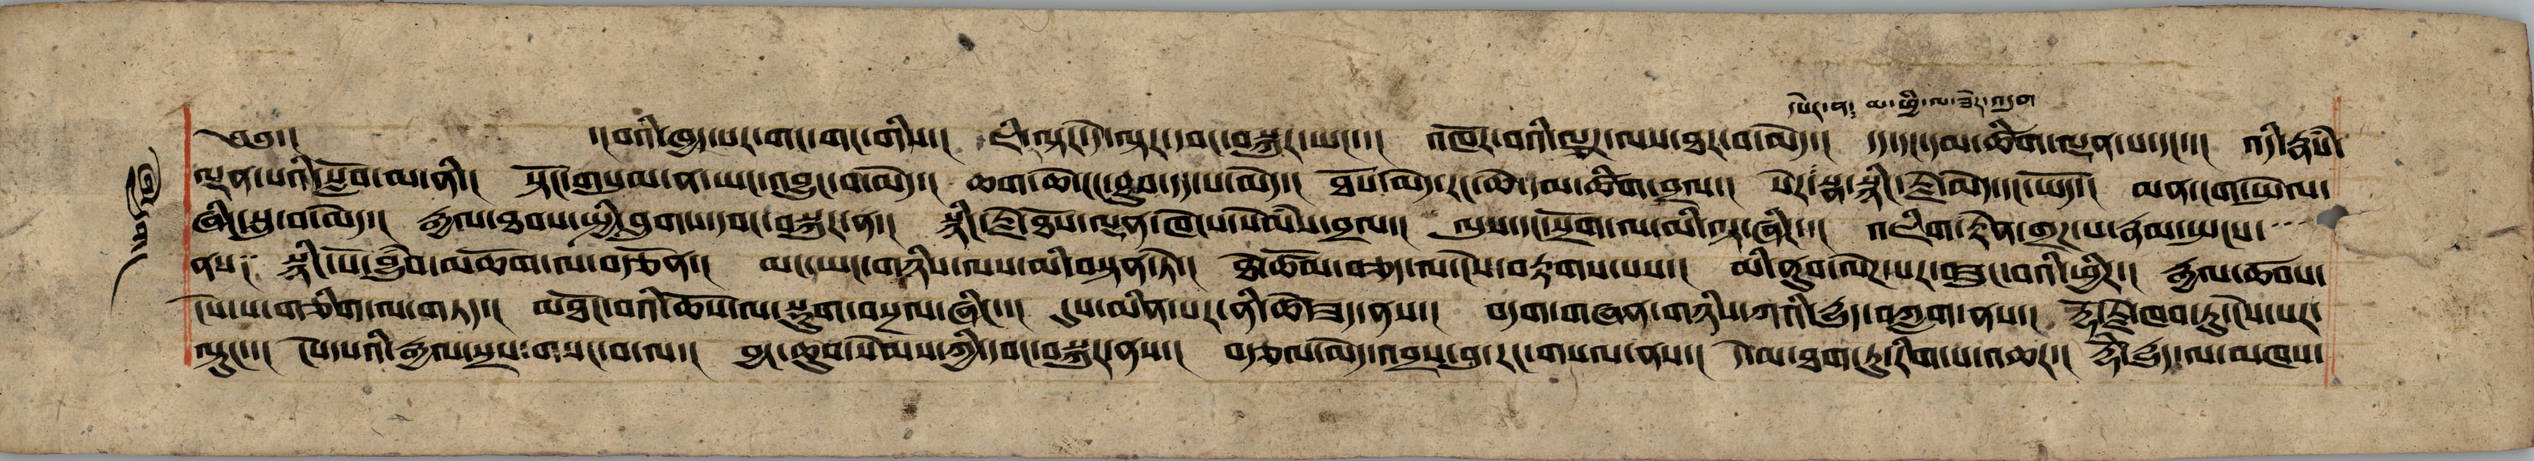༄༅་། ་།བའི་ཁྱད་པར་གང་གང་གིས་། ཇི་ལྟར་དེ་ལྟར་དབང་བསྐུར་ཡང་་། འཁོར་བའི་ལྕཌ་ལས་ཐར་བ་མེད་། དད་དང་དམ་ཚིག་ལྡན་པ་དང་་། འདི་རྣཾས་
ལྡན་པའི་སློབ་མ་ནི་། སྟོང་གསུམ་ན་ཡང་འབྱུང་བ་མེད་། ཆག་ཆེ་ངང་ཐུབ་དད་པ་མེད་། ཐོས་མེད་རང་ཆེ་དམ་ཚིག་བྲལ་། སེར་སྣ་སྙིང་རྗེ་མེད་དང་ཡོད་། མན་ངག་སྤེལ་
ཞིང་སླུ་བ་མེད་། རྒྱལ་ཐབས་སྤྱི་བླུགས་དབང་བསྐུར་ན་། སྙིང་རྗེ་ཐོས་ལྡན་ཁེངས་སེམཾས་བྲལ་། ལུས་དང་སྲོག་ལ་མི་ལྟ་ཞིང་་། འཇིག་རྟེན་གྲཌ་པ་རྣམ་སྤངས་
ནས༑ སྙིང་པོ་བྱུཾབ་མཆོག་ལ་བརྩོན་། མང་ཡང་གཉིསལས་མི་བསྟན་ཏེ་། ཐེ་ཚོམ་བཅད་ལ་ངེས་བརྟགས་པས་། མི་ནུབ་ལེཌ་པར་བཟུང་པའི་ཕྱིར་། རྒྱལ་ཚབས་
ངེས་པ་གཅིག་ལ་གཏད་། མཐོང་བའི་ཆོས་ལ་སྡུག་བསྔལ་ཞིང་་། དུས་མིན་པར་ནི་ཚེ་ཟད་ནས་། བདག་གཞན་གཉིས་ཀའི་དྱུད་བཀླག་ནས་། རྡོ་རྗེ་ཁབ་ཏུ་ངེས་པར་
ལྟུང་་། ངེས་པའི་རྒྱལ་སྲས་གསང་བ་ལ་། བྱང་ཆུབ་སེམས་ཀྱི་དབང་བསྐུར་ནས་། བརྩལ་མེད་འབྲས་བུ་རང་གསལ་ནས་། དེ་མ་ཐག་ཏུ་རིག་པ་འཆར་། རྡོེ་རྒྱུད་ལ་མཁས་